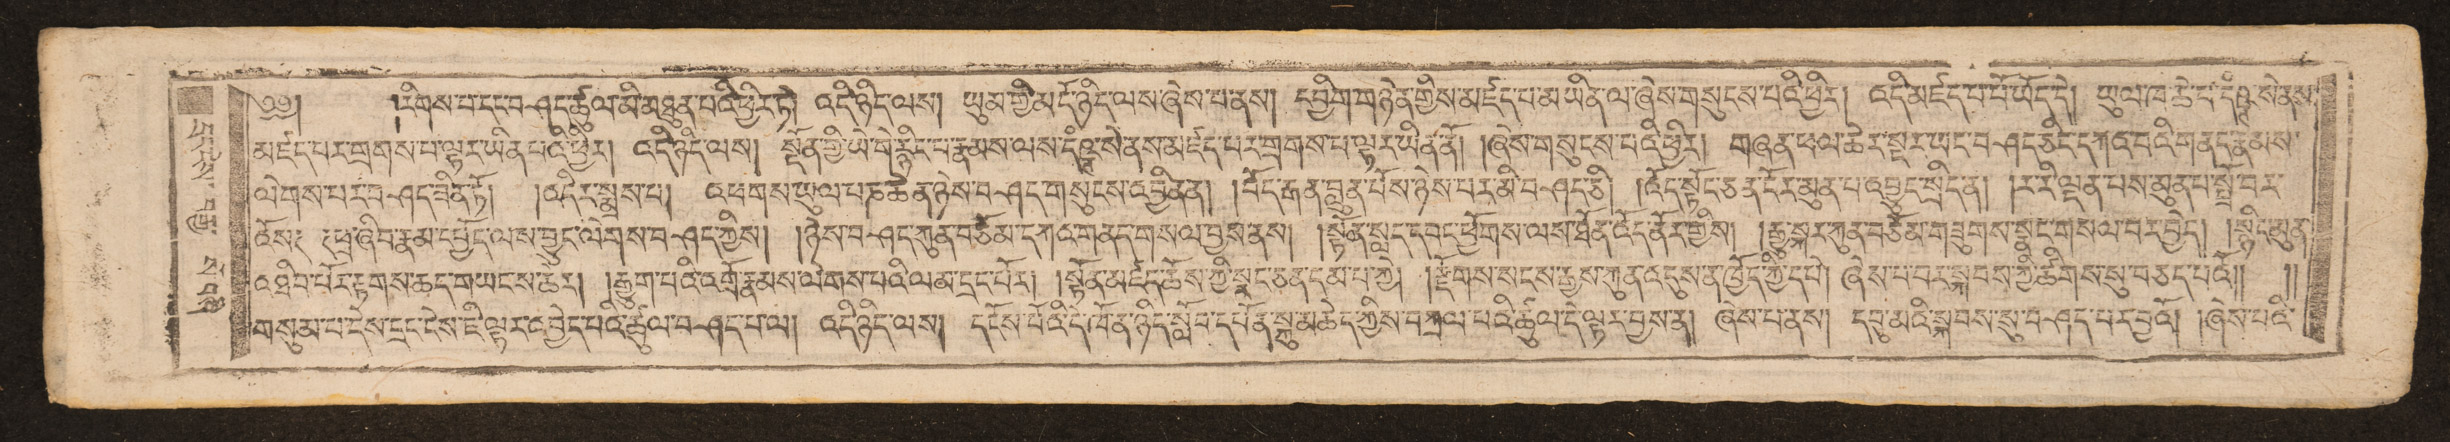༄༅། །རིགས་པ་དང་བཤད་ཚུལ་མི་མཐུན་པའི་ཕྱིར་ཏེ། འདི་ཉིད་ལས། ཡུམ་གྱི་མདོ་ཉིད་ལས་ཞེས་པ་ནས། དབྱིག་གཉེན་གྱིས་མཛད་པ་མ་ཡིན་ལ་ཞེས་གསུངས་པའི་ཕྱིར། འདི་མཛད་པ་པོ་ཡོད་དེ། ཡུལ་ཁ་ཆེ་པ་དཾཥྚ་སེ་ནས་
མཛད་པར་གྲགས་པ་ལྟར་ཡིན་པའི་ཕྱིར། འདི་ཉིད་ལས། སྔོན་གྱི་ཡེ་གེ་རྙིང་པ་རྣམས་ལས་དཾཥྚ་སེ་ནས་མཛད་པར་གྲགས་པ་ལྟར་ཡིན་ནོ། །ཞེས་གསུངས་པའི་ཕྱིར། གཞན་ཕལ་ཆེར་སྔར་ཡང་བཤད་ཅིང་དཀའ་བའི་གནད་རྣམས་
ལེགས་པར་བཤད་ཟིན་ཏོ། །འདིར་སྨྲས་པ། འཕགས་ཡུལ་པཎ་ཆེན་ཉེས་བཤད་གསུངས་འབྱིན་ན། །བོད་རྒན་བླུན་པོས་ཉེས་པར་མི་བཤད་ཅི། །འོད་སྟོང་ཅན་ངོར་མུན་པ་འབྱུང་སྲིད་ན། །ར་རི་ལྡན་པས་མུན་པ་སྤྲོ་བར་
འོས༑ ༑ཕྲ་ཞིབ་རྣམ་དཔྱོད་ལས་བྱུང་ལེགས་བཤད་ཀྱིས། །ཉེས་བཤད་ཀུན་བཅོམ་དཀའ་གནད་གསལ་བྱས་ནས། །སྟོན་སླད་དབང་ཕྱོགས་ལས་ཐོན་འོད་ནོར་གྱིས། །རྒྱུ་སྐར་ཀུན་བཅོམ་གཟུགས་སྣང་གསལ་བར་བྱེད། །སྙིང་མུན་
འཐིབ་པོར་རྟགས་ཆད་གཡང་ས་ཆེར། །རྒྱུག་པའི་འགྲོ་རྣམས་ལེགས་པའི་ལམ་དྲང་པོར། །སྟོན་མཛད་ཆོས་ཀྱི་སྣང་ཅན་དམ་པ་ཀྱེ། །རྫོགས་སངས་རྒྱས་ཀུན་འདུས་ན་ཁྱོད་ཀྱི་དཔེ། ཞེས་པ་བར་སྐབས་ཀྱི་ཚིགས་སུ་བཅད་པའོ།། །།
གསུམ་པ་དེས་དྲང་ངེས་ཇི་ལྟར་འབྱེད་པའི་ཚུལ་བཤད་པ་ལ། འདི་ཉིད་ལས། དངོས་པོའི་དེ་ཁོ་ན་ཉིད་སློབ་དཔོན་སྐུ་མཆེད་ཀྱིས་བཀྲལ་བའི་ཚུལ་དེ་ལྟར་བྱས་ན། ཞེས་པ་ནས། དབུ་མའི་སྐབས་སུ་བཤད་པར་བྱའོ། །ཞེས་པའི་